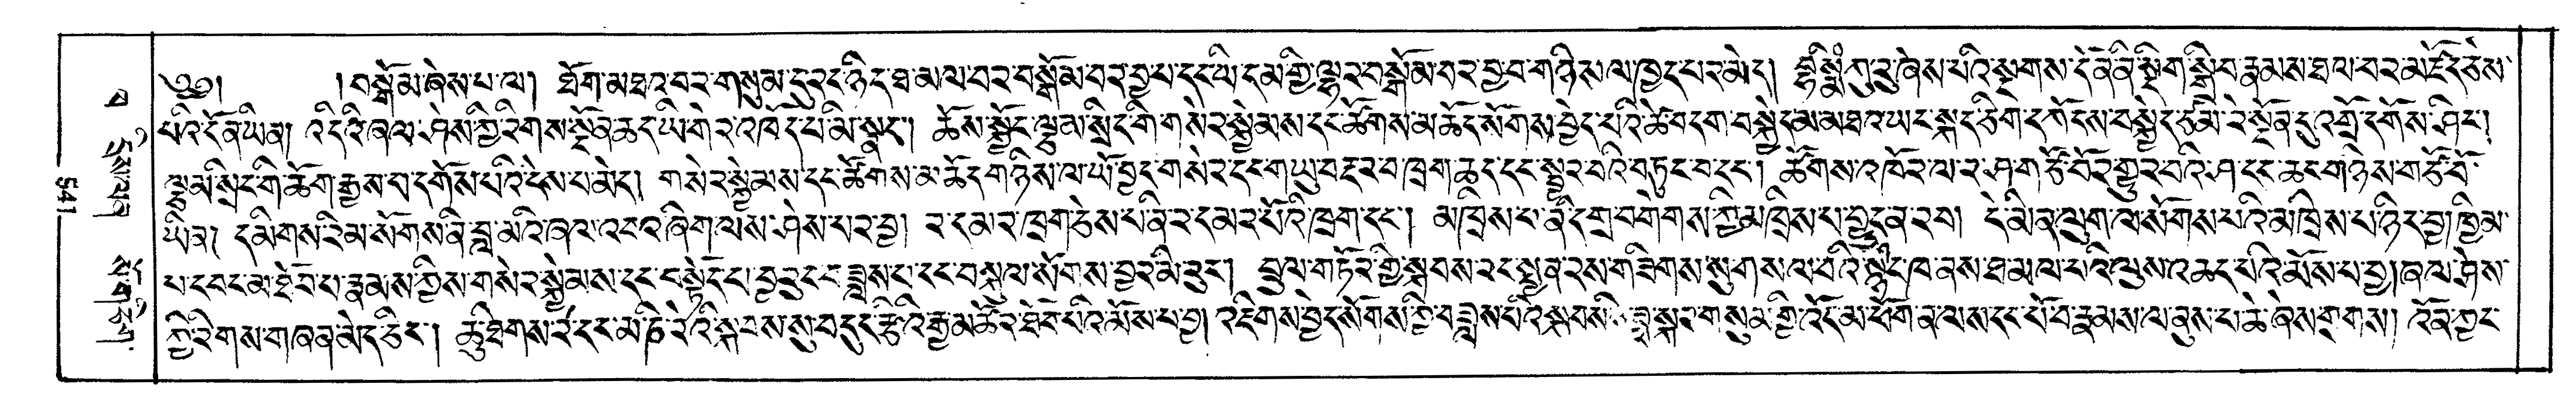༄༅། །བསྒོམ་ཞེས་པ་ལ། ཐོག་མཐའ་བར་གསུམ་དུ་རང་ཉིད་ཐ་མལ་པར་བསྒོམ་པར་བྱ་བ་དང་ཡི་དམ་གྱི་ལྷར་བསྒོམ་པར་བྱ་བ་གཉིས་ལ་ཁྱད་པར་མེད། བྷསྨིཾ་ཀུ་རུ་ཞེས་པའི་སྔགས་དོན་ནི་སྡིག་སྒྲིབ་རྣམས་ཐལ་བར་མཛོད་ཅེས་
པའི་དོན་ཡིན། འདིའི་ཞལ་ཤེས་ཀྱི་རིགས་སྔོན་ཆད་ཡི་གེར་འཁོད་པ་མི་སྣང་། ཆོས་སྐྱོང་ལྕམ་སྲིང་གི་གསེར་སྐྱེམས་དང་ཚོགས་མཆོད་སོགས་བྱེད་པའི་ཚེ་བདག་བསྐྱེད་མ་མཐའ་ཡང་སྐད་ཅིག་དཀྲོངས་བསྐྱེད་ཙམ་རེ་སྔོན་དུ་འགྲོ་དགོས་ཤིང་།
ལྕམ་སྲིང་གི་ཆོ་ག་རྒྱས་པ་དགོས་པའི་ངེས་པ་མེད། གསེར་སྐྱེམས་དང་ཚོགས་མཆོད་གཉིས་ལ་ཡོ་བྱད་གསེར་དང་གཡུ་བརྡར་བ་ཁྲག་ཆང་དང་སྦྱར་བའི་བཏུང་བ་དང་། ཚོགས་འཁོར་ལ་ར་ཤ་གཙོ་བོར་གྱུར་པའི་ཤ་དང་ཆང་གཉིས་གཙོ་བོ་
ཡིན༑ དམིགས་རིམ་སོགས་ནི་བླ་མའི་ཞལ་འབའ་ཞིག་ལས་ཤེས་པར་བྱ། ར་དམར་ཁྲག་ཅེས་པ་ནི་ར་དམར་པོའི་ཁྲག་དང་། མཁྲིས་པ་ནི་དགྲ་བགེགས་ཀྱི་མཁྲིས་པ་བྱུང་ན་རབ། དེ་མིན་ལུག་ལ་སོགས་པའི་མཁྲིས་པ་ཉིད་བྱ། ཁྱིམ་
པ་དབང་མ་ཐོབ་པ་རྣམས་ཀྱིས་གསེར་སྐྱེམས་དང་བསྟོད་པ་བྱ་རུང་བཟླས་པ་དང་བསྐུལ་སོགས་བྱར་མི་རུང་། བྲུལ་གཏོར་གྱི་སྐབས་རང་སྤྱན་རས་གཟིགས་སུ་གསལ་བའི་སྙིང་ཁ་ནས་ཐ་མལ་པའི་ལུས་འཆད་པའི་མོས་པ་བྱ། ཞལ་ཤེས་
ཀྱི་རིགས་གཞན་མེད་ཅིང་། ཆུ་ཐིགས་རེ་དང་མ་ཎི་རེའི་སྐབས་སུ་བདུད་རྩིའི་རྒྱ་མཚོར་ཐོབ་པའི་མོས་པ་བྱ། འཇིགས་བྱེད་སོགས་ཀྱི་བཟླས་པའི་སྐབས་ཉི་ཟླ་སྐར་གསུམ་གྱི་འོད་མ་ཕོག་ན་ལས་དང་པོ་བ་རྣམས་ལ་ནུས་པ་ཆེ་ཞེས་གྲགས། འོན་ཀྱང་